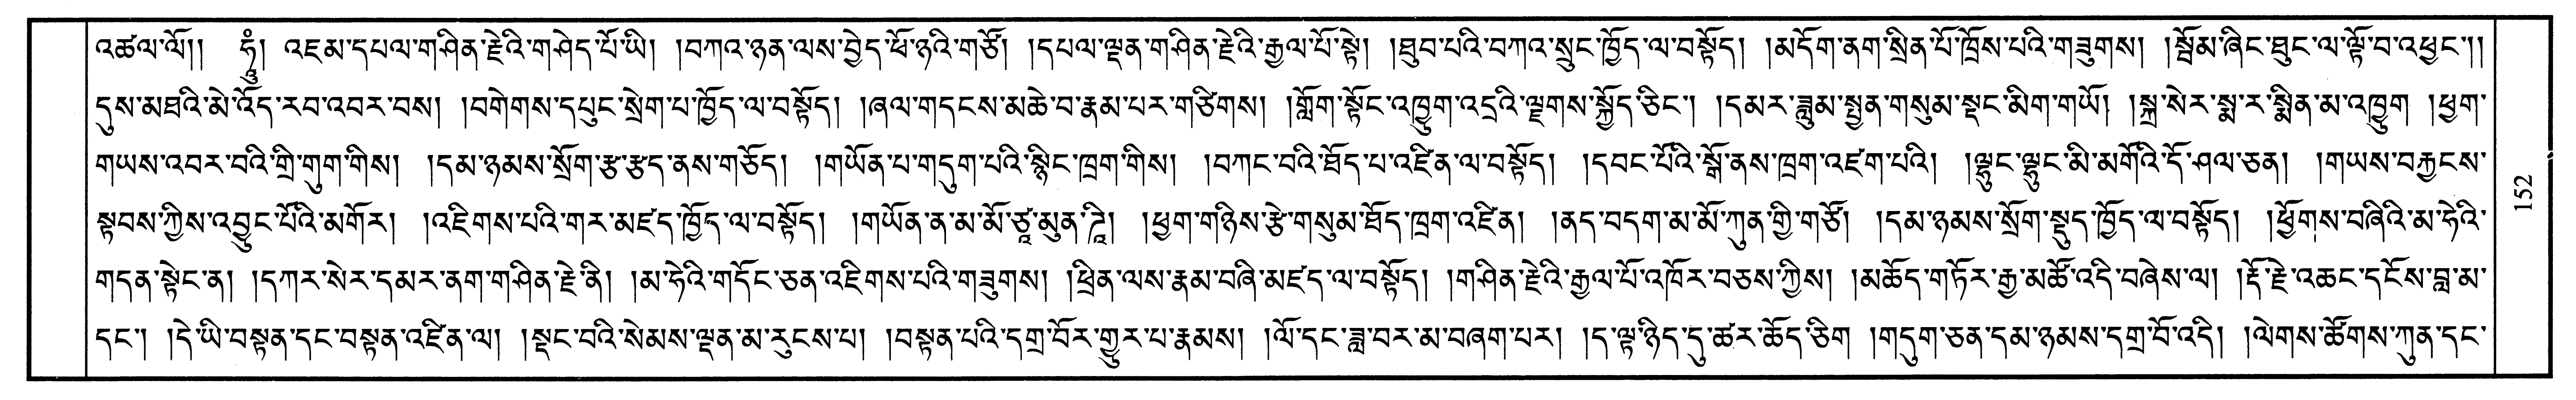འཚལ་ལོ།། ཧཱུཾ། འཇམ་དཔལ་གཤིན་རྗེའི་གཤེད་པོ་ཡི། །བཀའ་ཉན་ལས་བྱེད་ཕོ་ཉའི་གཙོ། །དཔལ་ལྡན་གཤིན་རྗེའི་རྒྱལ་པོ་སྟེ། །ཐུབ་པའི་བཀའ་སྲུང་ཁྱོད་ལ་བསྟོད། །མདོག་ནག་སྲིན་པོ་ཁྲོས་པའི་གཟུགས། །སྦོམ་ཞིང་ཐུང་ལ་ལྟོ་བ་འཕྱང།།
དུས་མཐའི་མེ་འོད་རབ་འབར་བས། །བགེགས་དཔུང་སྲེག་པ་ཁྱོད་ལ་བསྟོད། །ཞལ་གདངས་མཆེ་བ་རྣམ་པར་གཙིགས། །གློག་སྟོང་འཁྱུག་འདྲའི་ལྗགས་སྐྱོད་ཅིང་། །དམར་ཟླུམ་སྤྱན་གསུམ་སྡང་མིག་གཡོ། །སྐྲ་སེར་སྨ་ར་སྨིན་མ་འཁྱུག །ཕྱག་
གཡས་འབར་བའི་གྲི་གུག་གིས། །དམ་ཉམས་སྲོག་རྩ་རྩད་ནས་གཅོད། །གཡོན་པ་གདུག་པའི་སྙིང་ཁྲག་གིས། །བཀང་བའི་ཐོད་པ་འཛིན་ལ་བསྟོད། །དབང་པོའི་སྒོ་ནས་ཁྲག་འཛག་པའི། །ལྷུང་ལྷུང་མི་མགོའི་དོ་ཤལ་ཅན། །གཡས་བརྐྱངས་
སྟབས་ཀྱིས་འབྱུང་པོའི་མགོར། །འཇིགས་པའི་གར་མཛད་ཁྱོད་ལ་བསྟོད། །གཡོན་ན་མ་མོ་ཙཱ་མུན་ཌཱི། །ཕྱག་གཉིས་རྩེ་གསུམ་ཐོད་ཁྲག་འཛིན། །ནད་བདག་མ་མོ་ཀུན་གྱི་གཙོ། །དམ་ཉམས་སྲོག་སྡུད་ཁྱོད་ལ་བསྟོད། །ཕྱོགས་བཞིའི་མ་ཧེའི་
གདན་སྟེང་ན། །དཀར་སེར་དམར་ནག་གཤིན་རྗེ་ནི། །མ་ཧེའི་གདོང་ཅན་འཇིགས་པའི་གཟུགས། །ཕྲིན་ལས་རྣམ་བཞི་མཛད་ལ་བསྟོད། །གཤིན་རྗེའི་རྒྱལ་པོ་འཁོར་བཅས་ཀྱིས། །མཆོད་གཏོར་རྒྱ་མཚོ་འདི་བཞེས་ལ། །རྡོ་རྗེ་འཆང་དངོས་བླ་མ་
དང་། །དེ་ཡི་བསྟན་དང་བསྟན་འཛིན་ལ། །སྡང་བའི་སེམས་ལྡན་མ་རུངས་པ། །བསྟན་པའི་དགྲ་བོར་གྱུར་པ་རྣམས། །ལོ་དང་ཟླ་བར་མ་བཞག་པར། །ད་ལྟ་ཉིད་དུ་ཚར་ཆོད་ཅིག །གདུག་ཅན་དམ་ཉམས་དགྲ་བོ་འདི། །ལེགས་ཚོགས་ཀུན་དང་